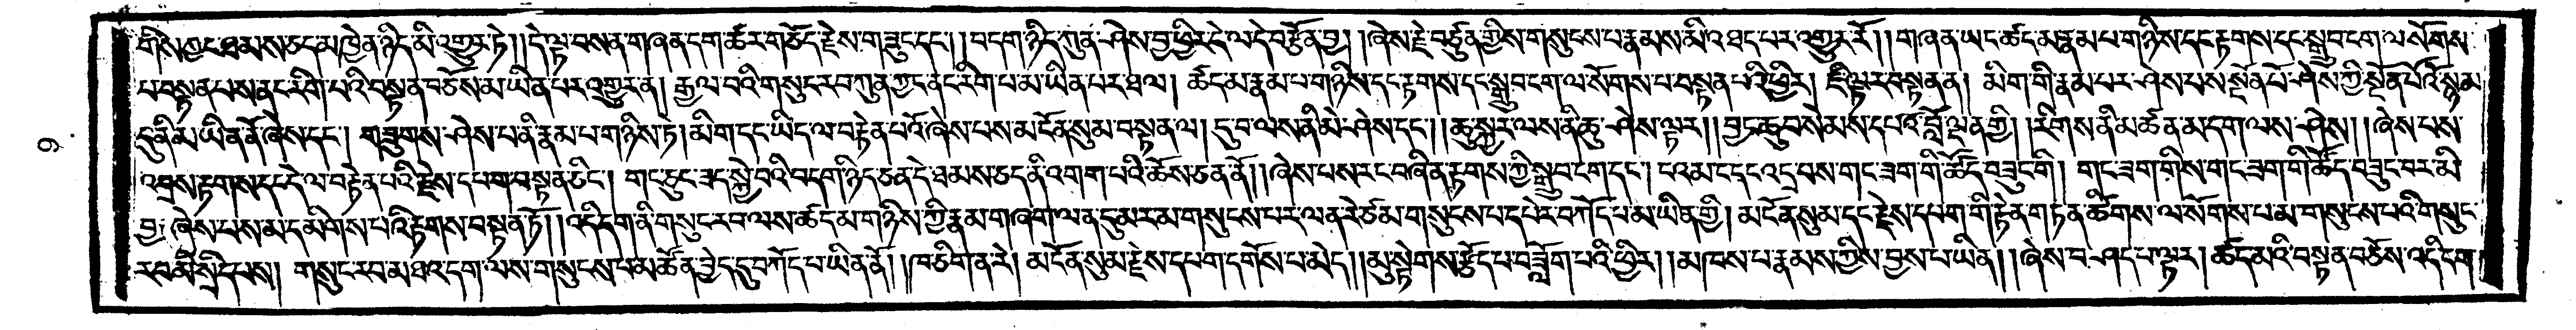གིས་ཀྱང་ཐམས་ཅད་མཁྱེན་ཉིད་མི་འགྱུར་ཏེ། །དེ་ལྟ་བས་ན་གཞན་དག་ཚར་གཅོད་རྗེས་གཟུང་དང་། །བདག་ཉིད་ཀུན་ཤེས་བྱ་ཕྱིར་དེ་ལ་དེ་བརྩོན་བྱ། །ཞེས་རྗེ་བཙུན་གྱིས་གསུངས་པ་རྣམས་མི་འཐད་པར་འགྱུར་རོ། །གཞན་ཡང་ཚད་མ་རྣམ་པ་གཉིས་དང་རྟགས་དང་སྒྲུབ་དག་ལ་སོགས་
པ་བསྟན་པས་ནང་རིག་པའི་བསྟན་བཅོས་མ་ཡིན་པར་འགྱུར་ན། རྒྱལ་བའི་གསུང་རབ་ཀུན་ཀྱང་ནང་རིག་པ་མ་ཡིན་པར་ཐལ། ཚད་མ་རྣམ་པ་གཉིས་དང་རྟགས་དང་སྒྲུབ་དག་ལ་སོགས་པ་བསྟན་པའི་ཕྱིར། ཇི་ལྟར་བསྟན་ན། མིག་གི་རྣམ་པར་ཤེས་པས་སྔོན་པོ་ཤེས་ཀྱི་སྔོན་པོའོ་སྙམ་
དུ་ནི་མ་ཡིན་ནོ་ཞེས་དང་། གཟུགས་ཤེས་པ་ནི་རྣམ་པ་གཉིས་ཏེ། མིག་དང་ཡིད་ལ་བརྟེན་པའོ་ཞེས་པས་མངོན་སུམ་བསྟན་ལ། དུ་བ་ལས་ནི་མེ་ཤེས་དང་། །ཆུ་སྐྱར་ལས་ནི་ཆུ་ཤེས་ལྟར། །བྱང་ཆུབ་སེམས་དཔའ་བློ་ལྡན་གྱི། །རིགས་ནི་མཚན་མ་དག་ལས་ཤེས། །ཞེས་པས་
འབྲས་རྟགས་དང་དེ་ལ་བརྟེན་པའི་རྗེས་དཔག་བསྟན་ཅིང་། གང་ཅུང་ཟད་སྐྱེ་བའི་བདག་ཉིད་ཅན་དེ་ཐམས་ཅད་ནི་འགག་པའི་ཆོས་ཅན་ནོ། །ཞེས་པས་རང་བཞིན་རྟགས་ཀྱི་སྒྲུབ་དག་དང་། ངའམ་ང་?་དང་འདྲ་བས་གང་ཟག་གི་ཚོད་བཟུང་གི། གང་ཟག་གིས་གང་ཟག་གི་ཚོད་བཟུང་བར་མི་
བྱ༑ ཞེས་པས་མ་དམིགས་པའི་རྟགས་བསྟན་ཏོ། །འདི་དག་ནི་གསུང་རབ་ལས་ཚད་མ་གཉིས་ཀྱི་རྣམ་གཞག་ལན་དུ་མར་མ་གསུངས་པར་ལན་རེ་ཙམ་གསུངས་པ་དཔེར་བཀོད་པ་མ་ཡིན་གྱི། མངོན་སུམ་དང་རྗེས་དཔག་གི་རྟེན་གཏན་ཚིགས་ལ་སོགས་པ་མ་གསུངས་པའི་གསུང་
རབ་མི་སྲིད་པས། གསུང་རབ་མཐའ་དག་ལས་གསུངས་པ་མཚོན་བྱེད་དུ་བཀོད་པ་ཡིན་ནོ། །ཁ་ཅིག་ན་རེ། མངོན་སུམ་རྗེས་དཔག་དགོས་པ་མེད། །མུ་སྟེགས་རྩོད་པ་བཟློག་པའི་ཕྱིར། །མཁས་པ་རྣམས་ཀྱིས་བྱས་པ་ཡིན། །ཞེས་བཤད་པ་ལྟར། ཚད་མའི་བསྟན་བཅོས་འདི་དག་